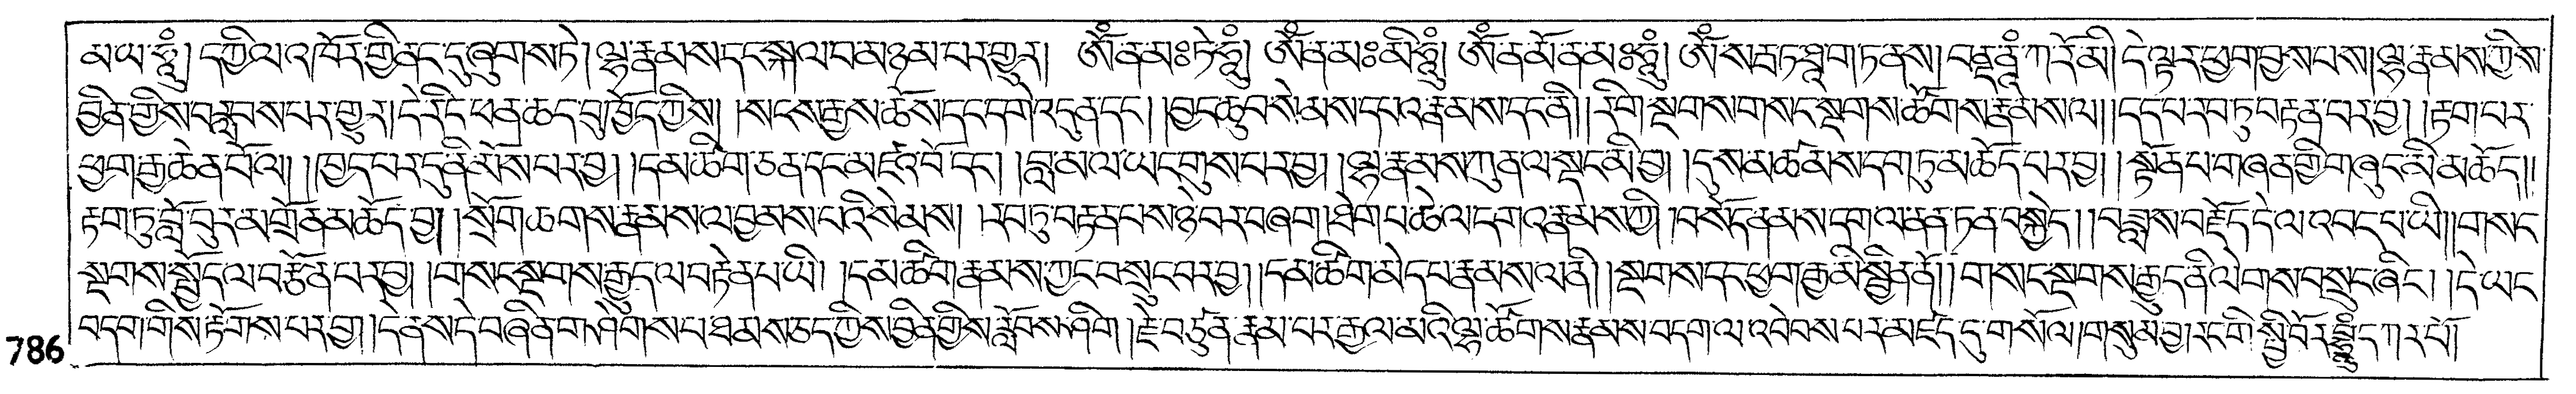མ་ཡ་ཧཱུཾ། དཀྱིལ་འཁོར་གྱི་ནང་དུ་ཞུགས་ཏེ། ལྷ་རྣམས་དང་སྐལ་བ་མཉམ་པར་གྱུར། ཨོཾ་ན་མཿ ཏེ་ཧཱུཾ། ཨོཾ་ན་མཿ མི་ཧཱུཾ། ཨོཾ་ན་མོ་ན་མཿ ཧཱུཾ། ཨོཾ་སརྦ་ཏ་ཐཱ་ག་ཏ་ནས། བནྡ་ནཱཾ་ཀ་རོ་མི། དེ་ལྟར་ཕྱག་བྱས་པས། ལྷ་རྣམས་ཀྱིས་
བྱིན་གྱིས་བརླབས་པར་གྱུར། དེ་རིང་ཕན་ཆད་བུ་ཁྱོད་ཀྱིས། །སངས་རྒྱས་ཆོས་དང་དགེ་འདུན་དང་། །བྱང་ཆུབ་སེམས་དཔའ་རྣམས་དང་ནི། །རིག་སྔགས་གསང་སྔགས་ཚོགས་རྣམས་ལ། །དད་པ་རབ་ཏུ་བརྟན་པར་བྱ། །རྟག་པར་
ཕྱག་རྒྱ་ཆེན་པོ་ལ། །ཁྱད་པར་དུ་ནི་མོས་པར་བྱ། །དམ་ཚིག་ཅན་དང་མཛའ་བོ་དང་། །བླ་མ་ལ་ཡང་གུས་པར་བྱ། །ལྷ་རྣམས་ཀུན་ལ་སྡང་མི་བྱ། །དུས་མཚམས་དག་ཏུ་མཆོད་པར་བྱ། །སྟོན་པ་གཞན་གྱི་གཞུང་མི་མཆོད། །
རྟག་ཏུ་བློ་བུར་མགྲོན་མཆོད་བྱ། །སྲོག་ཆགས་རྣམས་ལ་བྱམས་པའི་སེམས། །རབ་ཏུ་བརྟན་པས་ཉེ་བར་བཞག །ཐེག་པ་ཆེ་ལ་དགའ་རྣམས་ཀྱི། །བསོད་ནམས་དག་ལ་ནན་ཏན་བསྐྱེད། །བཟླས་བརྗོད་དེ་ལ་འབད་པ་ཡི། །གསང་
སྔགས་སྤྱོད་ལ་བརྩོན་པར་བྱ། །གསང་སྔགས་རྒྱུད་ལ་བརྟེན་པ་ཡི། །དམ་ཚིག་རྣམས་ཀྱང་བསྲུང་བར་བྱ། །དམ་ཚིག་མེད་པ་རྣམས་ལ་ནི། །སྔགས་དང་ཕྱག་རྒྱ་མི་སྦྱིན་ནོ། །གསང་སྔགས་རྒྱུད་ནི་ལེགས་བསྲུང་ཞིང་། །དེ་ཡང་
བདག་གིས་རྟོགས་པར་བྱ། །དེ་ནས་དེ་བཞིན་གཤེགས་པ་ཐམས་ཅད་ཀྱིས་བྱིན་གྱིས་རློབས་ཤིག །རྗེ་བཙུན་རྣམ་པར་རྒྱལ་མའི་ལྷ་ཚོགས་རྣམས་བདག་ལ་འབེབས་པར་མཛད་དུ་གསོལ། །གསུམ་བྱ། རང་གི་སྤྱི་བོར་བྷྲཱུཾ་དཀར་པོ།